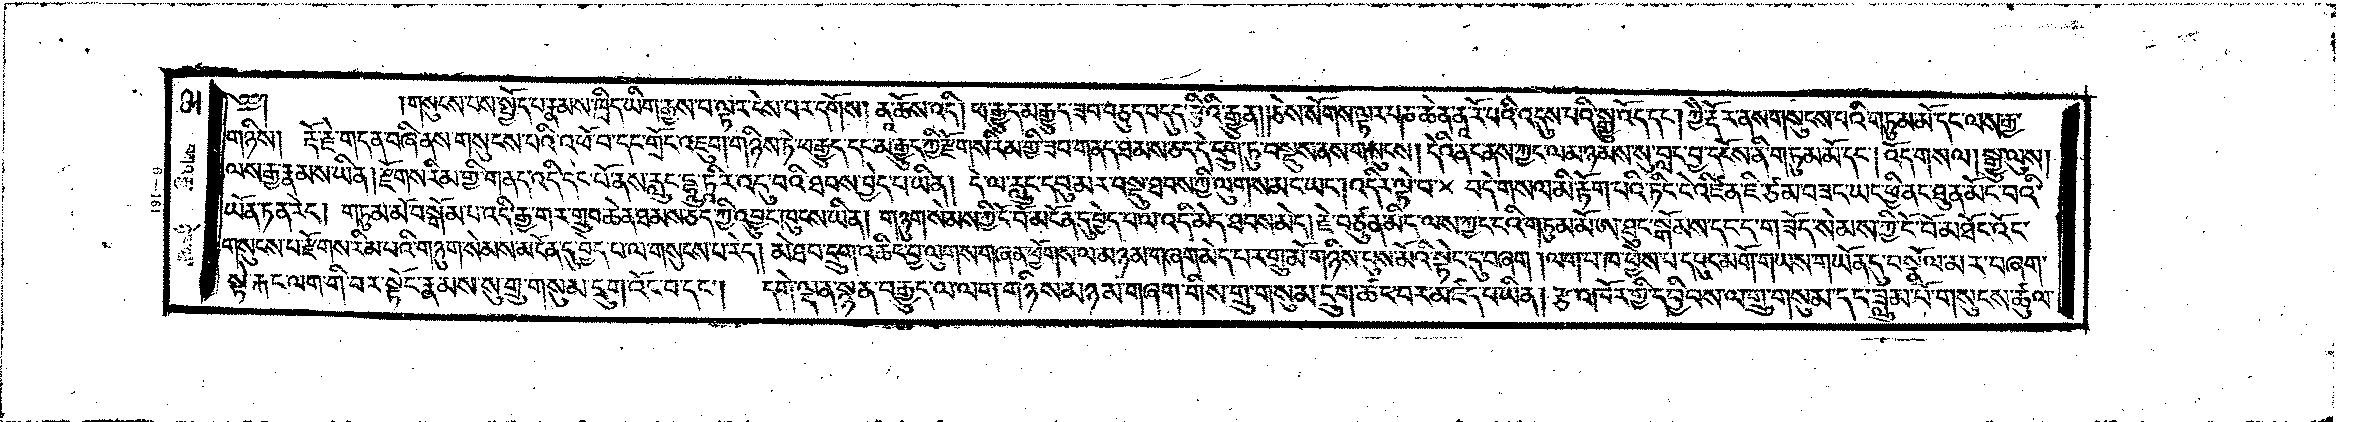༄༅། །གསུངས་པས་སྤྱོད་པ་རྣམས་ཁྲིད་ཡིག་རྒྱས་པ་ལྟར་ངེས་པར་དགོས། ནཱ་ཆོས་འདི། ཕ་རྒྱུད་མ་རྒྱུད་ཟབ་བཅུད་བདུད་རྩིའི་རྒྱུན། །ཅེས་སོགས་ལྟར་པཎ་ཆེན་ནཱ་རོ་པའི་འདུས་པའི་སྒྱུ་འོད་དང་། ཀྱཻ་རྡོར་ནས་གསུངས་པའི་གཏུམ་མོ་དང་ལས་རྒྱ་
གཉིས། རྡོ་རྗེ་གདན་བཞི་ནས་གསུངས་པའི་འཕོ་བ་དང་གྲོང་འཇུག་གཉིས་ཏེ་ཕ་རྒྱུད་དང་མ་རྒྱུད་ཀྱི་རྫོགས་རིམ་གྱི་ཟབ་གནད་ཐམས་ཅད་དེ་དྲུག་ཏུ་བསྡུས་ནས་གསུངས། དེའི་ནང་ནས་ཀྱང་ལམ་ཉམས་སུ་བླང་བྱ་དངོས་ནི་གཏུམ་མོ་དང་། འོད་གསལ། སྒྱུ་ལུས།
ལས་རྒྱ་རྣམས་ཡིན་།རྫོགས་རིམ་གྱི་གནད་འདི་དང་པོ་ནས་རླུང་དྷཱུ་ཏཱིར་འདུ་བའི་ཐབས་བྱེད་པ་ཡིན། དེ་ལ་རླུང་དབུ་མར་བསྡུ་ཐབས་ཀྱི་ལུགས་མང་ཡང་། འདིར་ལྟེ་བ་྾་བདེ་གསལ་མི་རྟོག་པའི་ཏིང་ངེ་འཛིན་ཇི་ཙམ་བཟང་ཡང་ཕྱི་ནང་ཐུན་མོང་བའི་
ཡོན་ཏན་རེད། གཏུམ་མོ་བསྒོམ་པ་འདི་རྒྱ་གར་གྲུབ་ཆེན་ཐམས་ཅད་ཀྱི་འབྱུང་ཁུངས་ཡིན། གཉུག་སེམས་ཀྱི་ངོ་བོ་མངོན་དུ་བྱེད་པ་ལ་འདི་མེད་ཐབས་མེད། རྗེ་བཙུན་མིད་ལས་ཀྱང་ངའི་གཏུམ་མོ་ཨ་ཐུང་སྒོམས་དང་ད་གཟོད་སེམས་ཀྱི་ངོ་བོ་མཐོང་འོང་
གསུངས་པ་རྫོགས་རིམ་པའི་གཉུག་སེམས་མངོན་དུ་བྱེད་པ་ལ་གསུངས་པ་རེད། མེ་ཐབ་དྲུག་འཆིང་བྱ་ལུགས་གཞན་ཕྱོགས་ལ་མཉམ་གཞག་མེད་པར་གྲུ་མོ་གཉིས་པུས་མོའི་སྟེང་དུ་བཞག །ལག་པ་ཁ་ཕྱེས་པ་དཔུང་མགོ་གཡས་གཡོན་དུ་བསྣོལ་མར་བཞག་
སྟེ་རྐང་ལག་གི་བར་སྟོང་རྣམས་སུ་གྲུ་གསུམ་དྲུག་འོང་བ་དང་། དགེ་ལྡན་སྙན་བརྒྱུད་ལ་ལག་གཉིས་མཉམ་གཞག་གིས་གྲུ་གསུམ་དྲུག་ཚང་བར་མཛད་པ་ཡིན། རྩ་འཁོར་གྱི་དབྱིབས་ལ་གྲུ་གསུམ་དང་ཟླུམ་པོ་གསུངས་ཚུལ་